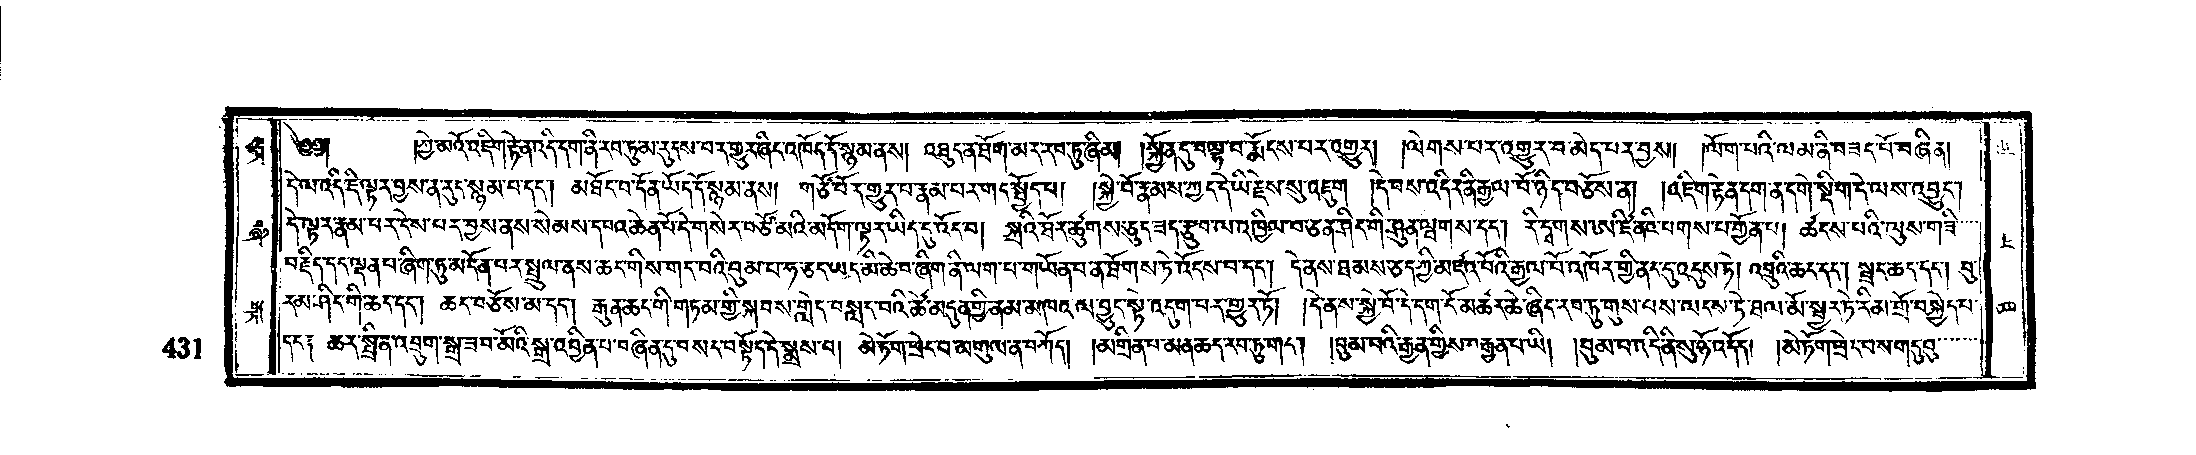༄༅། །ཀྱེ་མའོ་འཇིག་རྟེན་འདི་དག་ནི་རབ་ཏུ་མ་རུངས་པར་གྱུར་ཞིང་འཁོད་དོ་སྙམ་ནས། འཐུང་ན་ཐོག་མར་རབ་ཏུ་ཞིམ། །སྐྱོན་དུ་བལྟ་བ་རྨོངས་པར་འགྱུར། །ལེགས་པར་འགྱུར་བ་མེད་པར་བྱས། །ལོག་པའི་ལམ་ནི་བཟང་པོ་བཞིན།
དེ་ལ་འདི་ཇི་ལྟར་བྱས་ན་རུང་སྙམ་པ་དང་། མཐོང་བ་དོན་ཡོད་དོ་སྙམ་ནས། གཙོ་བོར་གྱུར་པ་རྣམ་པར་གང?་སྤྱོད་པ། །སྐྱེ་བོ་རྣམས་ཀྱང་དེ་ཡི་རྗེས་སུ་འཇུག །དེ་བས་འདིར་ནི་རྒྱལ་པོ་ཉིད་བཅོས་ན། །འཇིག་རྟེན་དག་ན་དགེ་སྡིག་དེ་ལས་འབྱུང་།
དེ་ལྟར་རྣམ་པར་ངེས་པར་བྱས་ནས་སེམས་དཔའ་ཆེན་པོ་དེ་གསེར་བཙོ་མའི་མདོག་ལྟར་ཡིད་དུ་འོང་བ། སྐྲའི་ཐོར་ཚུགས་ཅུང་ཟད་རྩུབ་ལ་འཁྱིལ་བ་ཅན་ཤིང་གི་ཤུན་ལྤགས་དང་། རི་དྭགས་ཨ་ཛི་ནའི་པགས་པ་གྱོན་པ། ཚངས་པའི་ལུས་གཟི་
བརྗིད་དང་ལྡན་པ་ཞིག་ཏུ་མངོན་པར་སྤྲུལ་ནས་ཆང་གིས་གང་བའི་བུམ་པ་ཧ་ཅང་ཡང་མི་ཆེ་བ་ཞིག་ནི་ལག་པ་གཡོན་པ་ན་ཐོགས་ཏེ་འོངས་པ་དང་། དེ་ནས་ཐམས་ཅད་ཀྱི་མཛའ་བོའི་རྒྱལ་པོ་འཁོར་གྱི་ནང་དུ་འདུས་ཏེ། འབྲུའི་ཆང་དང་། སྦྲད་ཆང་དང་། བུ་
རམ་ཤིང་གི་ཆང་དང་། ཆང་བཅོས་མ་དང་། རྒུན་ཆང་གི་གཏམ་གྱི་སྐབས་གླེང་བསླང་བའི་ཚེ་མདུན་གྱི་ནམ་མཁའ་ལ་བྱུང་སྟེ་འདུག་པར་གྱུར་ཏོ། །དེ་ནས་སྐྱེ་བོ་དེ་དག་ངོ་མཚར་ཆེ་ཞིང་རབ་ཏུ་གུས་པས་ལངས་ཏེ་ཐལ་མོ་སྦྱར་ཏེ་རིམ་གྲོ་བསྐྱེད་པ་
དང༑ ཆར་སྤྲིན་འབྲུག་སྒྲ་ཟབ་མོའི་སྒྲ་འབྱིན་པ་བཞིན་དུ་བསང་བསྟོད་དེ་སྨྲས་པ། མེ་ཏོག་ཕྲེང་བ་མགུལ་ན་བཀོད། །མགྲིན་པ་མན་ཆད་རབ་ཏུ་གང་། །བུམ་པའི་རྒྱན་གྱིས་བརྒྱན་པ་ཡི། །བུམ་པ་འདི་ནི་སུ་ཉོ་འདོད། །མེ་ཏོག་ཕྲེང་བས་གདུ་བུ་